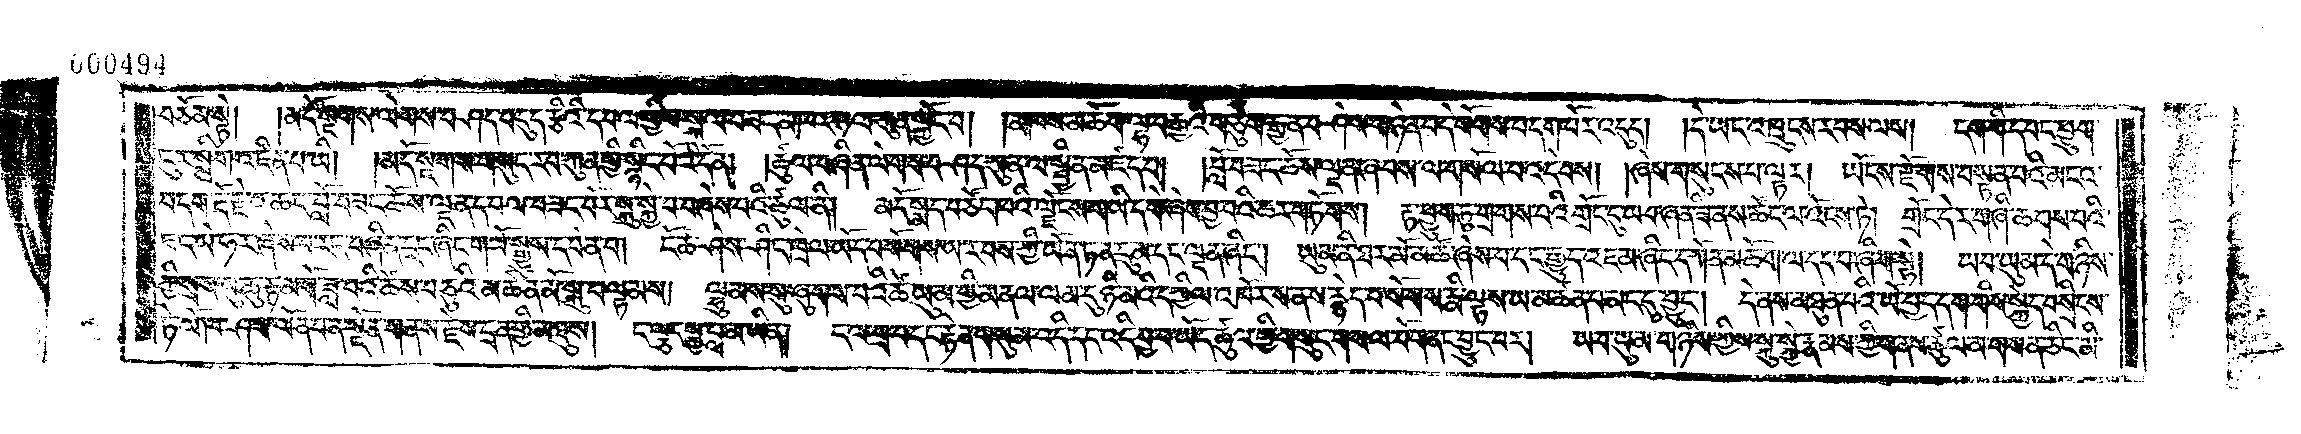བཅོམ་སྟེ། །མདོ་སྔགས་ལེགས་བཤད་བདུད་རྩིའི་དཔལ་གྱིས་སྐལ་བཟང་མཁར་ཉལ་ཀུན་སྐྱོང་བ། །མཁས་མཆོག་ལྷ་བརྒྱའི་གཙུག་རྒྱན་བཤེས་གཉེན་བ་དེ་སོགས་བདག་པོར་འདུད། །དེ་ཡང་འཁྲུངས་རབས་ལས། དག་གི་དབང་ཕྱུག་
དུར་སྨྲིག་འཛིན་པ་ཡི། །མདོ་སྔགས་གསུང་རབ་ཀུན་གྱི་སྙིང་པོའི་དོན། །ཚུལ་བཞིན་ལེགས་བཤད་ཀུན་ལ་སྦྱིན་མཛད་པ། །བློ་བཟང་ཆོས་ལྡན་ཞབས་ལ་གསོལ་བ་འདེབས། །ཞེས་གསུངས་བ་ལྟར། ཡོངས་རྫོགས་བསྟན་པའི་མངའ་
བདག་རྡོ་རྗེ་འཆང་བློ་བཟང་ཆོས་ལྡན་དཔལ་བཟང་པོར་སྐུ་སྐྱེ་བ་བཞེས་པའི་ཚུལ་ནི། མདོ་སྨད་བཙོང་ཁའི་ལྗོངས་གཡི་དགེ་ཞེས་བྱ་བའི་ཆར་གཏོགས། རྟ་ཕྱུག་ཏུ་གྲགས་པའི་གྲོང་དུ་ཡབ་ཞན་ཅི་ནས་ཚོང་ལ་འོངས་ཏེ། གྲོང་དེར་གཞི་ཆགས་པའི་
ཇང་ཡེ་ཧར་ཞེས་པ་རང་བཞིན་དྲང་ཞིང་གཡོ་སྒྱུས་དབེན་པ། ངོ་ཚ་ཤེས་ཤིང་ཁྲེལ་ཡོད་པ་སོགས་ཡ་རབས་ཀྱི་ཡོན་ཏན་དུ་མ་དང་ལྡན་ཞིང་། ཡུམ་ནི་ཐར་མོ་མཚོ་ཞེས་པ་དང་རྒྱུད་འཇམ་ཞིང་དཀོན་མཆོག་ལ་དད་པ་ཞིག་སྟེ། ཡབ་ཡུམ་དེ་གཉིས་
ཀྱི་སྲས་སུ་ཆུ་རྟ་མགོ་ཟླ་བའི་ཚེས་བཅུའི་མཚན་མོ་སྐུ་བལྟམས། ལྷུམས་སུ་ཞུགས་པའི་ཚེ་ཡུམ་གྱི་མནལ་ལམ་དུ་ཉི་མའི་དཀྱིལ་འཁོར་ས་ནས་རྙེད་པ་སོགས་རྨི་ལྟས་ཡ་མཚན་པ་མང་དུ་བྱུང་། དེ་ནས་མཐུན་པའི་ཡོ་བྱད་དག་གིས་སྐྱེད་བསྲིངས་
ཏེ་ལོ་ཁ་ཤས་ལོན་པ་ན་སྔོན་གནས་རྗེས་དྲན་གྱི་མཐུས། ང་ལྕང་སྐྱ་བླ་མ་ཡིན། ང་ལ་གྲ་བ་དང་རྟེན་གསུམ་འདི་དང་འདི་བྱ་བ་ཡོད་ཚུལ་གྱི་གསུང་གསལ་བོ་གནང་བྱུང་བར། ཡབ་ཡུམ་གཉིས་ཀྱིས་སྐུ་སྐྱེ་རྣམས་ཀྱི་གནས་ཚུལ་མ་གསན་ཅིང་མི་